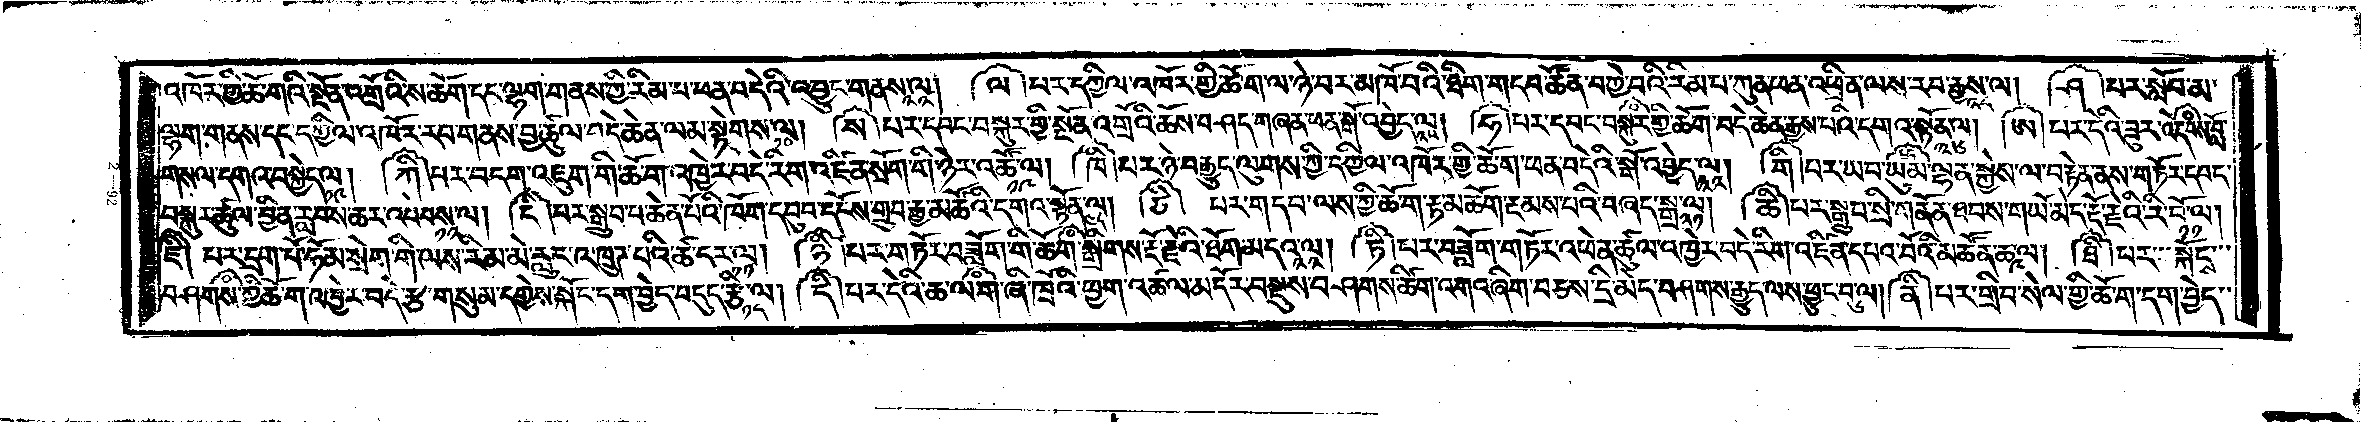འཁོར་གྱི་ཆོ་གའི་སྔོན་འགྲོའི་ས་ཆོག་དང་ལྷག་གནས་ཀྱི་རིམ་པ་ཕན་བདེའི་འབྱུང་གནས་ལ། ༼ལ༽ པར་དཀྱིལ་འཁོར་གྱི་ཆོ་ག་ལ་ཉེ་བར་མཁོ་བའི་ཐིག་གདབ་ཚོན་བཀྱེ་བའི་རིམ་པ་ཀུན་ཕན་འཕྲིན་ལས་རབ་རྒྱས་ལ། ༼ཤ༽ པར་སློབ་མ་
ལྷག་གནས་དང་དཀྱིལ་འཁོར་རབ་གནས་བྱ་ཚུལ་བདེ་ཆེན་ལམ་སྟེགས་ལ། ༼ས༽ པར་དབང་བསྐུར་གྱི་སྔོན་འགྲོའི་ཆོས་བཤད་གཞན་ཕན་སྒོ་འབྱེད་ལ། ༼ཧ༽ པར་དབང་བསྐུར་གྱི་ཆོ་ག་བདེ་ཆེན་རྒྱས་པའི་དགའ་སྟོན་ལ། ༼ཨ༽ པར་དེའི་ཟུར་འདེབས་བློ་
གསལ་དགའ་བསྐྱེད་ལ། ༼ཀི༽ པར་བདག་འཇུག་གི་ཆོ་ག་འཁྱེར་བདེ་རིག་འཛིན་སྲོག་གི་ཉེར་འཚོ་ལ། ༼ཁི༽ པར་ཉེ་བརྒྱུད་ལུགས་ཀྱི་དཀྱིལ་འཁོར་གྱི་ཆོ་ག་ཕན་བདེའི་སྒོ་འབྱེད་ལ། ༼གི༽ བར་ཡབ་ཡུམ་ལྷན་སྐྱེས་ལ་བརྟེན་ནས་གཏོར་དབང་
བསྐུར་ཚུལ་བྱིན་རླབས་ཆར་འབེབས་ལ། ༼ངི༽ པར་སྒྲུབ་པ་ཆེན་པོའི་ཁོག་དབུབ་དངོས་གྲུབ་རྒྱ་མཚོའི་དགའ་སྟོན་ལ། ༼ཅི༽ པར་གདབ་ལས་ཀྱི་ཆོ་ག་རྟ་མཆོག་རྔམས་པའི་བཞད་སྒྲ་ལ། ༼ཆི༽ པར་སྒྲུབ་སྲི་གནོན་ཐབས་གཡོ་མེད་རྡོ་རྗེའི་རི་བོ་ལ།
༼ཇི༽ པར་དྲག་པོ་ཧོམ་སྲེག་གི་ལས་རིམ་མེ་རླུང་འཁྲུཌ་པའི་ཚ་དར་ལ། ༼ཉི༽ པར་གཏོར་བཟློག་གི་ཆོ་ག་སྒྲིགས་རྡོ་རྗེའི་ཐོག་མདའ་ལ། ༼ཏི༽ པར་བཟློག་གཏོར་འཕེན་ཚུལ་འཁྱེར་བདེ་རིག་འཛིན་དཔའ་བོའི་མཚོན་ཆ་ལ། ༼ཐི༽ པར་སྐོངས་
བཤགས་ཀྱི་ཆོ་ག་འཁྱེར་བདེ་རྩ་གསུམ་དགྱེས་སྐོང་དག་བྱེད་བདུད་རྩི་ལ། ༼དི༽ པར་དེའི་ཆ་ལག་ཞི་ཁྲོའི་ཕྱག་འཚལ་མདོར་བསྡུས་བཤགས་ཚིག་འགའ་ཞིག་བཅས་དྲི་མེད་བཤགས་རྒྱུད་ལས་ཕྱུང་བ་ལ། ༼ནི༽ པར་གྲིབ་སེལ་གྱི་ཆོ་ག་དག་བྱེད་